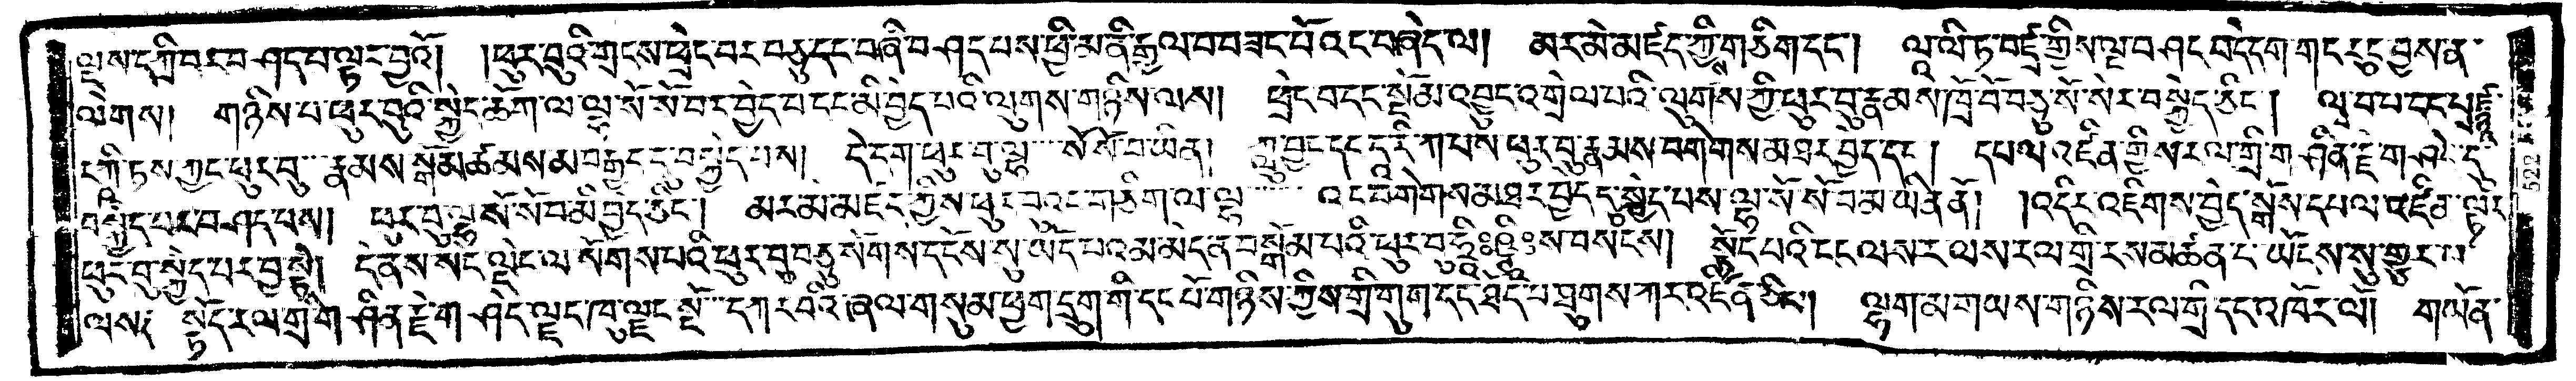ལྔས་དཀྲི་བར་བཤད་པ་ལྟར་བྱའོ། །ཕུར་བུའི་གྲངས་ཕྲེང་བར་བཅུ་དང་བཞི་བཤད་པས་ཕྱི་མ་ནི་རྒྱལ་བ་བཟང་པོའང་བཞེད་ལ། མར་མེ་མཛད་ཀྱིས་གཅིག་དང་། ལཱ་ལི་ཏ་བཛྲ་གྱིས་ལྔ་བཤད་བདེ་དག་གང་རུང་བྱས་ན་
ལེགས། གཉིས་པ་ཕུར་བུའི་སྐྱེད་ཆོག་ལ་ལྷ་སོ་སོ་བར་བྱེད་པ་དང་མི་བྱེད་པའི་ལུགས་གཉིས་ལས། ཕྲེང་བ་དང་སྡོམ་འབྱུང་འགྲེལ་བའི་ལུགས་ཀྱི་ཕུར་བུ་རྣམས་ཁྲོ་བོ་བཅུ་སོ་སེར་བསྐྱེད་ཅིང་། ལྭ་བ་པ་དང་པྲ་ཛྙཱ་
ད་ཀྵི་ཏས་ཀྱང་ཕུར་བུ་རྣམས་སྒོམ་ཚམས་མ་བརྒྱད་དུ་བསྐྱེད་པས། དེ་དག་ཕུར་བུ་ལྷ་སོ་སོ་བ་ཡིན། ཀླུ་བྱང་དང་དཱ་རི་ཀ་པས་ཕུར་བུ་རྣམས་བགེགས་མཐར་བྱེད་དང་། དཔལ་འཛིན་གྱི་སར་ལ་གྲི་གཤིན་རྗེ་གཤེད་དུ་
བསྐྱེད་པར་བཤད་པས། ཕུར་བུ་ལྷ་སོ་སོ་བ་མི་བྱེད་ཅིང་། མར་མེ་མཛད་ཀྱིས་ཕུར་བུའང་གཅིག་ལ་ལྷ་འད་བགེགས་མཐར་བྱེད་དུ་སྐྱེད་པས་ལྷ་སོ་སོ་བ་མ་ཡིན་ནོ། །འདིར་འཇིགས་བྱེད་སྒོས་དཔལ་འཛིན་ལྟར་
ཕུར་བུ་སྐྱེད་པར་བྱ་སྟེ། དེ་ནས་སང་ལྡེང་ལ་སོགས་པའི་ཕུར་བུ་བཅུ་སོགས་དངོས་སུ་ཡོད་པའམ་མེད་ན་བསྒོམ་པའི་ཕུར་བུ་ཧྲཱིཿ ཥྚཱིཿ ས་བསངས། སྟོང་པའི་ངང་ལས་ར་ལས་རལ་གྲི་རས་མཚན་ང་ཡོངས་སུ་གྱུར་པ་
ལས། སྟོད་རལ་གྲི་གཤིན་རྗེ་གཤེད་ལྗང་ཁུ་ལྗང་སྔོ་དཀར་བའི་ཞལ་གསུམ་ཕྱག་དྲུག་གི་དང་པོ་གཉིས་ཀྱིས་གྲི་གུག་དང་ཐོད་པ་ཐུགས་ཀར་འཛིན་ཅིང་། ལྷག་མ་གཡས་གཉིས་རལ་གྲི་དང་འཁོར་ལོ། གཡོན་